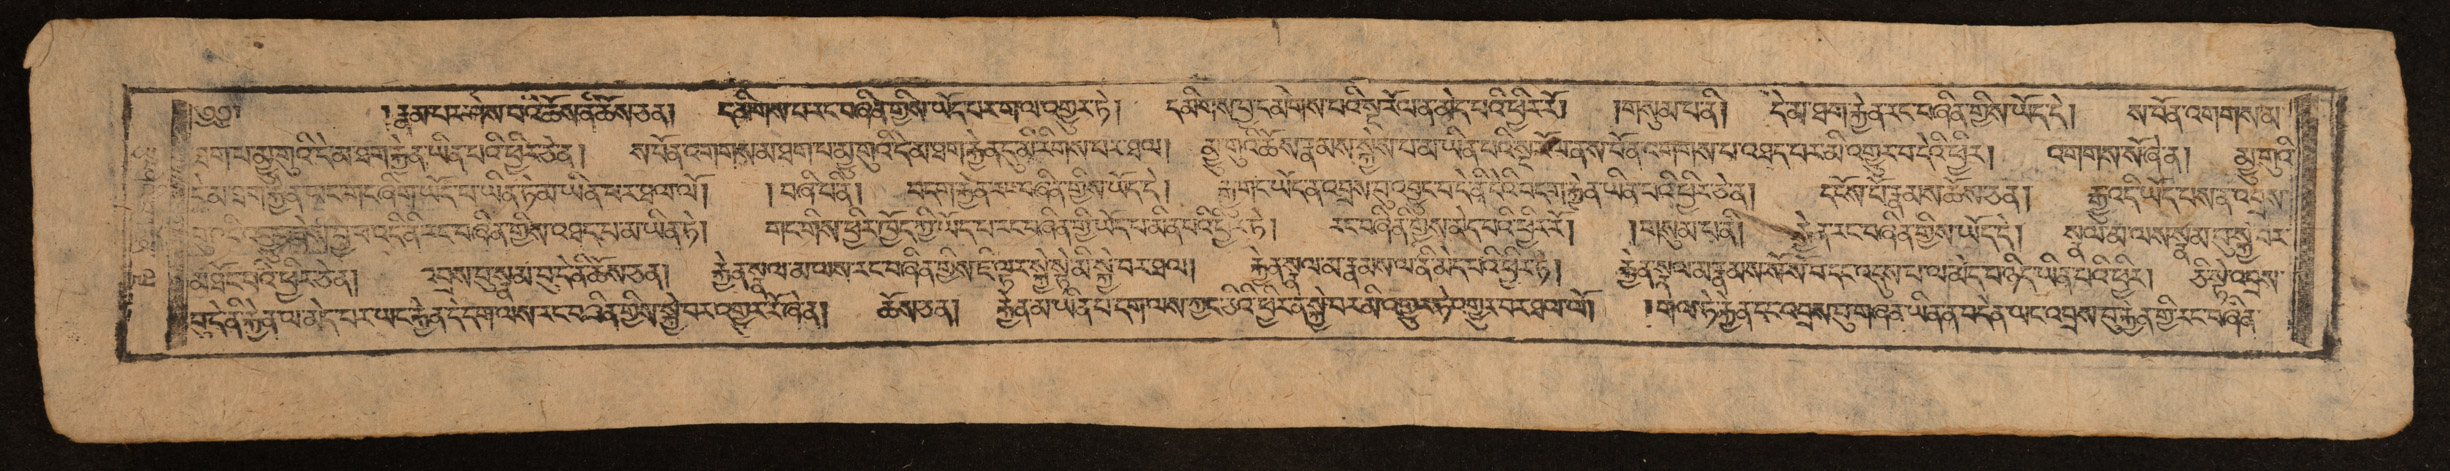༄༅། །རྣམ་པར་ཤེས་པའི་ཆོས་ནི་ཆོས་ཅན། དམིགས་པ་རང་བཞིན་གྱིས་ཡོད་པར་ག་ལ་འགྱུར་ཏེ། དམིགས་བྱ་དམིགས་པའི་སྔ་རོལ་ན་མེད་པའི་ཕྱིར་རོ། །གསུམ་པ་ནི། དེ་མ་ཐག་རྐྱེན་རང་བཞིན་གྱིས་ཡོད་དེ། ས་བོན་འགགས་མ་
ཐག་པ་མྱུ་གུའི་དེ་མ་ཐག་རྐྱེན་ཡིན་པའི་ཕྱིར་ཅེ་ན། ས་བོན་འགགས་མ་ཐག་པ་མྱུ་གུའི་དེ་མ་ཐག་རྐྱེན་དུ་མི་རིགས་པར་ཐལ། མྱུ་གུའི་ཆོས་རྣམས་སྐྱེས་པ་མ་ཡིན་པའི་སྔ་རོལ་ན་ས་བོན་འགགས་པ་འཐད་པར་མི་འགྱུར་བ་དེའི་ཕྱིར། འགགས་སོ་ཞེ་ན། མྱུ་གུའི་
དེ་མ་ཐག་རྐྱེན་ཡང་གང་ཞིག་ཡོད་པ་ཡིན་ཏེ་མ་ཡིན་པར་ཐལ་ལོ། །བཞི་པ་ནི། བདག་རྐྱེན་རང་བཞིན་གྱིས་ཡོད་དེ། རྒྱུ་གང་ཡོད་ན་འབྲས་བུ་འབྱུང་བ་དེ་ནི་དེའི་བདག་རྐྱེན་ཡིན་པའི་ཕྱིར་ཅེ་ན། དངོས་པོ་རྣམས་ཆོས་ཅན། རྒྱུ་འདི་ཡོད་པས་ན་འབྲས་
བུ་འདི་འབྱུང་ཞེས་བྱ་བ་འདི་ནི་རང་བཞིན་གྱིས་འཐད་པ་མ་ཡིན་ཏེ། གང་གིས་ཕྱིར་ཁྱོད་ཀྱི་ཡོད་པ་རང་བཞིན་གྱི་ཡོད་པ་མིན་པའི་ཕྱིར་ཏེ། རང་བཞིན་གྱིས་མེད་པའི་ཕྱིར་རོ། །གསུམ་པ་ནི། རྐྱེན་རང་བཞིན་གྱིས་ཡོད་དེ། སྣལ་མ་ལས་སྣམ་བུ་སྐྱེ་བར་
མཐོད་བའི་ཕྱིར་ཅེ་ན། འབྲས་བུ་སྣམ་བུ་དེ་ནི་ཆོས་ཅན། རྐྱེན་སྣལ་མ་ལས་རང་བཞིན་གྱིས་ཇི་ལྟར་སྐྱེ་སྟེ་མི་སྐྱེ་བར་ཐལ། རྐྱེན་སྣལ་མ་རྣམས་ལ་ནི་མེད་པའི་ཕྱིར་ཏེ། རྐྱེན་སྣལ་མ་རྣམས་སོ་སོ་བ་དང་འདུས་པ་ལ་མེད་པ་ཉིད་ཡིན་པའི་ཕྱིར། ཅི་སྟེ་འབྲས་
བུ་དེ་ནི་རྐྱེན་ལ་མེད་པར་ཡང་རྐྱེན་དེ་དག་ལས་རང་བཞིན་གྱིས་སྐྱེ་བར་འགྱུར་རོ་ཞེ་ན། ཆོས་ཅན། རྐྱེན་མ་ཡིན་པ་དག་ལས་ཀྱང་ཅིའི་ཕྱིར་ན་སྐྱེ་བར་མི་འགྱུར་ཏེ་འགྱུར་བར་ཐལ་ལོ། །གལ་ཏེ་རྐྱེན་དང་འབྲས་བུ་གཞན་ཡིན་ན་བདེན་ཡང་འབྲས་བུ་རྐྱེན་གྱི་རང་བཞིན་